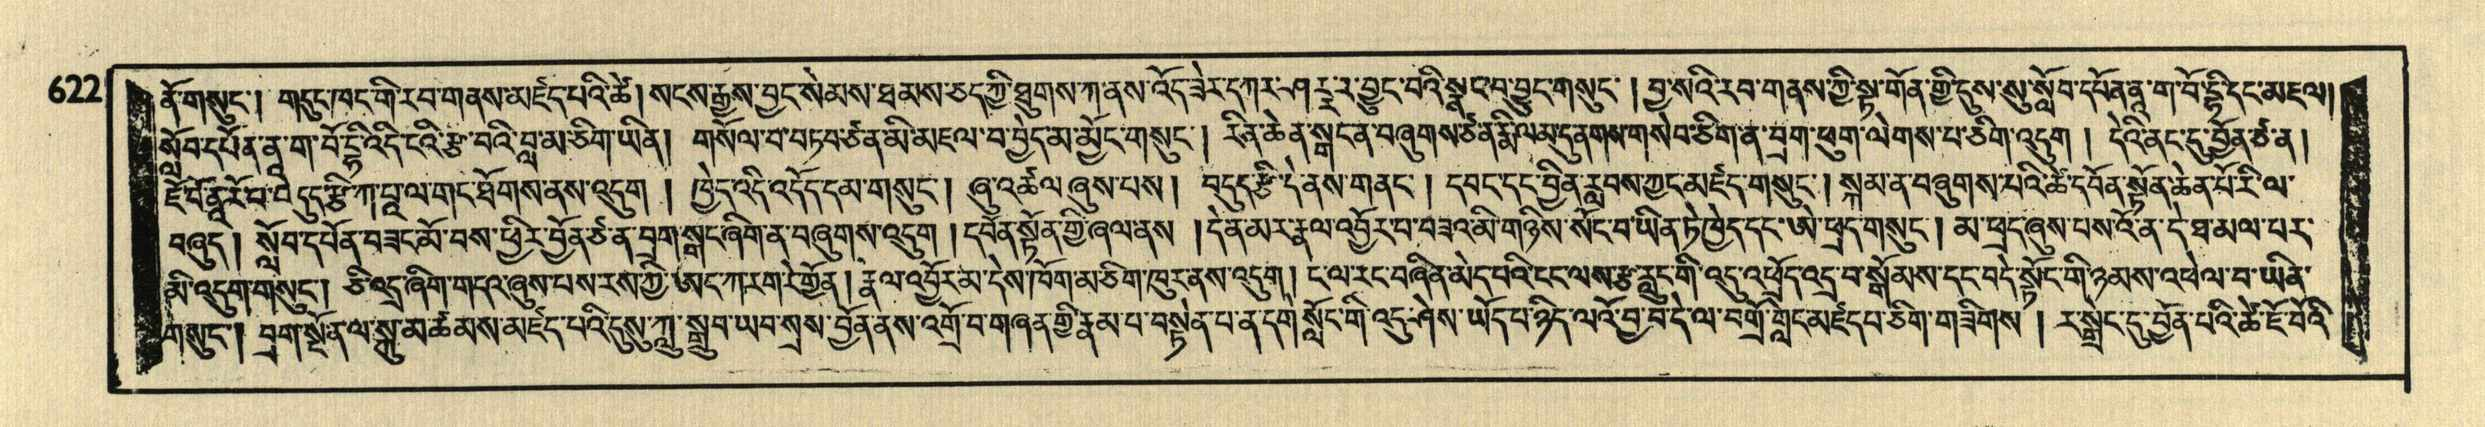ནོ་གསུང་། གདུང་ཁང་གི་རབ་གནས་མཛད་པའི་ཚེ། སངས་རྒྱས་བྱང་སེམས་ཐམས་ཅད་ཀྱི་ཐུགས་ཀ་ནས་འོད་ཟེར་དཀར་ཤརྲ་ར་བྱུང་བའི་སྣང་བ་བྱུང་གསུང་།བྱ་སའི་རབ་གནས་ཀྱི་སྟ་གོན་གྱི་དུས་སུ་སློབ་དཔོན་ནཱ་ག་བོ་དྷི་དང་མཇལ།
སློབ་དཔོན་ནཱ་ག་བོ་དྷི་འདི་ངའི་རྩ་བའི་བླ་མ་ཅིག་ཡིན། གསོལ་བ་བཏབ་ཙ་ན་མི་མཇལ་བ་བྱེད་མ་མྱོང་གསུང་། རིན་ཆེན་སྒང་ན་བཞུགས་ཙ་ན་རྨི་ལམ་དུ་ནགས་གསེབ་ཅིག་ན་བྲག་ཕུག་ལེགས་པ་ཅིག་འདུག། དེའི་ནང་དུ་བྱོན་ཙ་ན།
ཇོ་བོ་ནཱ་རོ་པ་བདུད་རྩི་ཀ་པཱ་ལ་གང་ཐོགས་ནས་འདུག། ཁྱེད་འདི་འདོད་དམ་གསུང་། ཞུ་འཚལ་ཞུས་པས། བདུད་རྩི་དེ་ནས་གནང་། དབང་དང་བྱིན་རླབས་ཀྱང་མཛད་གསུང་། སྐམ་ན་བཞུགས་པའི་ཚེ་དབོན་སྟོན་ཆེན་པོ་རི་ལ་
བཞུད། སློབ་དཔོན་བཟང་མོ་བས་ཕྱིར་བྱོན་ཙ་ན་བྲག་སྒང་ཞིག་ན་བཞུགས་འདུག །དབོན་སྟོན་གྱི་ཞལ་ནས་།དེ་ན་མར་རྣལ་འབྱོར་པ་བཟའ་མི་གཉིས་སོང་བ་ཡིན་ཏེ་ཁྱེད་དང་ཨེ་ཕྲད་གསུང་། མ་ཕྲད་ཞུས་པས་འོ་ན་དེ་ཐ་མལ་པར་
མི་འདུག་གསུང་། ཅི་འདྲ་ཞིག་གདའ་ཞུས་པས་རས་ཀྱི་ཨང་ཀ་རག་རེ་གྱོན། རྣལ་འབྱོར་མ་དེས་ཁོག་མ་ཅིག་ཁུར་ནས་འདུག། ང་ལ་རང་བཞིན་མེད་པའི་ངང་ལས་རྩ་རླུང་གི་འདུ་འཕྲོད་འདྲ་བ་སྒོམས་དང་བདེ་སྟོང་གི་ཉམས་འཕེལ་བ་ཡིན་
གསུང་། བྲག་སྔོན་ལ་སྐུ་མཚམས་མཛད་པའི་དུ་སུ་ཀླུ་སྒྲུབ་ཡབ་སྲས་བྱོན་ནས་འགྲོ་བ་གཞན་གྱི་རྣམ་པ་བསྟེན་པ་ན་དགེ་སློང་གི་འདུ་ཤེས་ཡོད་པ་ཉིད་ལའོ་བྱ་བ་དེ་ལ་བགྲོ་གླེང་མཛད་པ་ཅིག་གཟིགས། ར་སྒྲེང་དུ་བྱོན་པའི་ཚེ་ཇོ་བོའི་